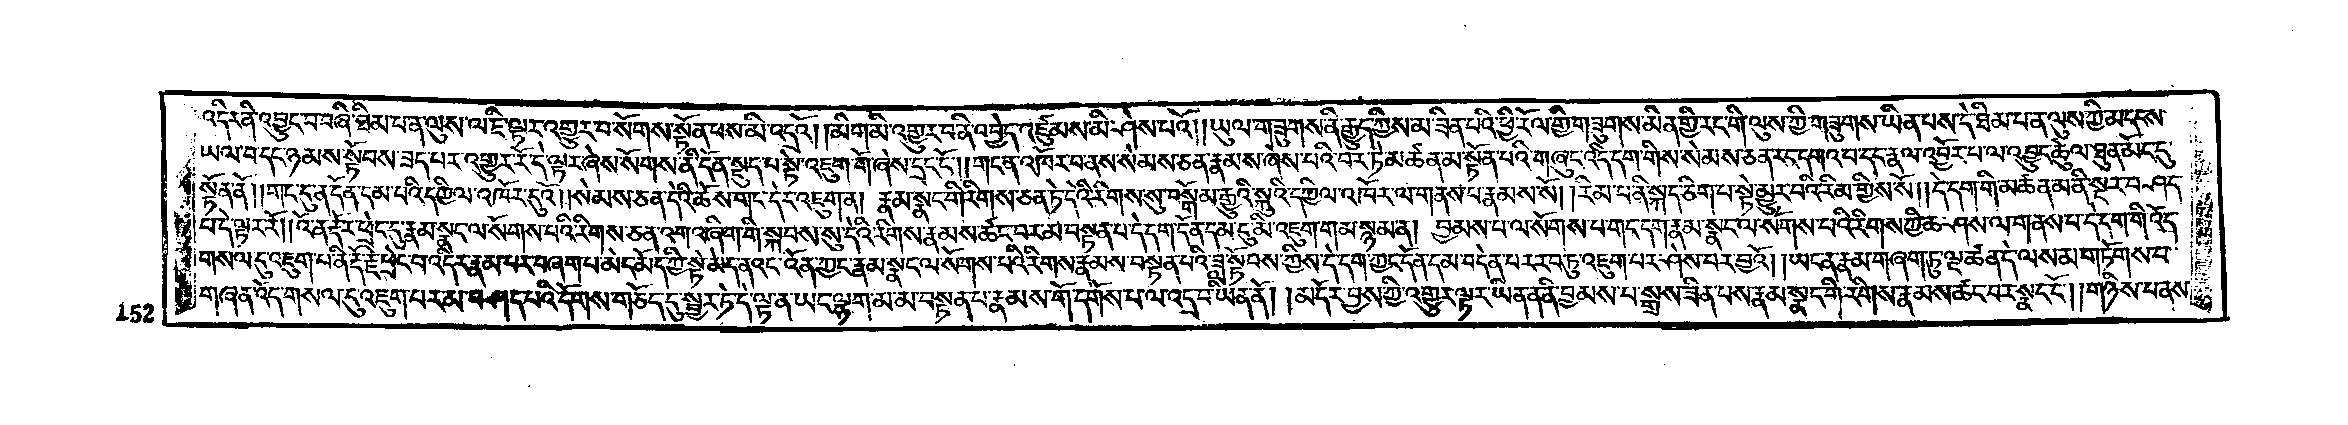འདིར་ནི་འབྱུང་བ་བཞི་ཐིམ་པ་ན་ལུས་ལ་ཇི་ལྟར་འགྱུར་བ་སོགས་སྟོན་པས་མི་འདྲའོ། །མིག་མི་འགྱུར་བ་ནི་འབྱེད་འཛུམས་མི་ཤེས་པའོ། །ཡུལ་གཟུགས་ནི་རྒྱུད་ཀྱིས་མ་ཟིན་པའི་ཕྱི་རོལ་གྱི་གཟུགས་མིན་གྱི་རང་གི་ལུས་ཀྱི་གཟུགས་ཡིན་པས་དེ་ཐིམ་པ་ན་ལུས་ཀྱི་མདངས་
ཡལ་བ་དང་ཉམས་སྟོབས་ཟད་པར་འགྱུར་རོ་དེ་ལྟར་ཞེས་སོགས་ནི་དོན་སྡུད་པ་སྟེ་འཇུག་གོ་ཞེས་དྲང་ངོ། །གང་ན་འཁོར་བ་ནས་སེམས་ཅན་རྣམས་ཞེས་པའི་བར་ཏེ་མཚན་མ་སྟོན་པའི་གཞུང་འདི་དག་གིས་སེམས་ཅན་རང་དགའ་བ་དང་རྣལ་འབྱོར་པ་ལ་འབྱུང་ཚུལ་ཐུན་མོང་དུ་
སྟོན་ནོ། །གང་དུ་ན་དོན་དམ་པའི་དཀྱིལ་འཁོར་དུའོ། །སེམས་ཅན་དེའི་ཆོས་གང་དེར་འཇུག་ན། རྣམ་སྣང་གི་རིགས་ཅན་ཏེ་དེའི་རིགས་སུ་བསྒོམ་རྒྱུའི་སྐུའི་དཀྱིལ་འཁོར་ལ་གནས་པ་རྣམས་སོ། །རིམ་པ་ནི་སྐད་ཅིག་པ་སྟེ་མྱུར་བའི་རིམ་གྱིས་སོ། །དེ་དག་གི་མཚན་མ་ནི་སྔར་བཤད་
པ་ད་ལྟར་རོ། །འོ་ན་རྡོར་ཕྲེང་དུ་རྣམ་སྣང་ལ་སོགས་པའི་རིགས་ཅན་འགའ་ཞིག་གི་སྐབས་སུ་དེའི་རིགས་རྣམས་ཚང་བར་མ་བསྟན་པ་དེ་དག་དོན་དམ་དུ་མི་འཇུག་གམ་སྙམ་ན། བྱམས་པ་ལ་སོགས་པ་གང་དག་རྣམ་སྣང་ལ་སོགས་པའི་རིགས་ཀྱི་ཆ་ཤས་ལ་གནས་པ་དེ་དག་གི་འོད་
གསལ་དུ་འཇུག་པ་ནི་རྡོ་རྗེ་ཕྲེང་བ་འདིར་རྣམ་པར་བཞག་པ་མེད་མོད་ཀྱི་སྟེ་མེད་ནའང་འོན་ཀྱང་རྣམ་སྣང་ལ་སོགས་པའི་རིགས་རྣམས་བསྟན་པའི་ཟླ་སྟོབས་ཀྱིས་དེ་དག་ཀྱང་དོན་དམ་བདེན་པར་རབ་ཏུ་འཇུག་པར་ཤེས་པར་བྱའོ། །ཡང་ན་རྣམ་གཞག་ཏུ་ལྔ་ཚན་དེ་ལས་མ་གཏོགས་པ་
གཞན་འོད་གསལ་དུ་འཇུག་པར་མ་བཤད་པའི་དོགས་གཅོད་དུ་སྦྱར་ཏེ་དེ་ལྟ་ན་ཡང་ལྷག་མ་མ་བསྟན་པ་རྣམས་གོ་དགོས་པ་ལ་འདྲ་བ་ཡིན་ནོ། །མདོར་བྱས་ཀྱི་འགྱུར་ལྟར་ཡིན་ན་ནི་བྱམས་པ་སྒྲས་ཟིན་པས་རྣམ་སྣང་གི་རིགས་རྣམས་ཚང་བར་སྣང་ངོ། །གཉིས་པ་ནས་